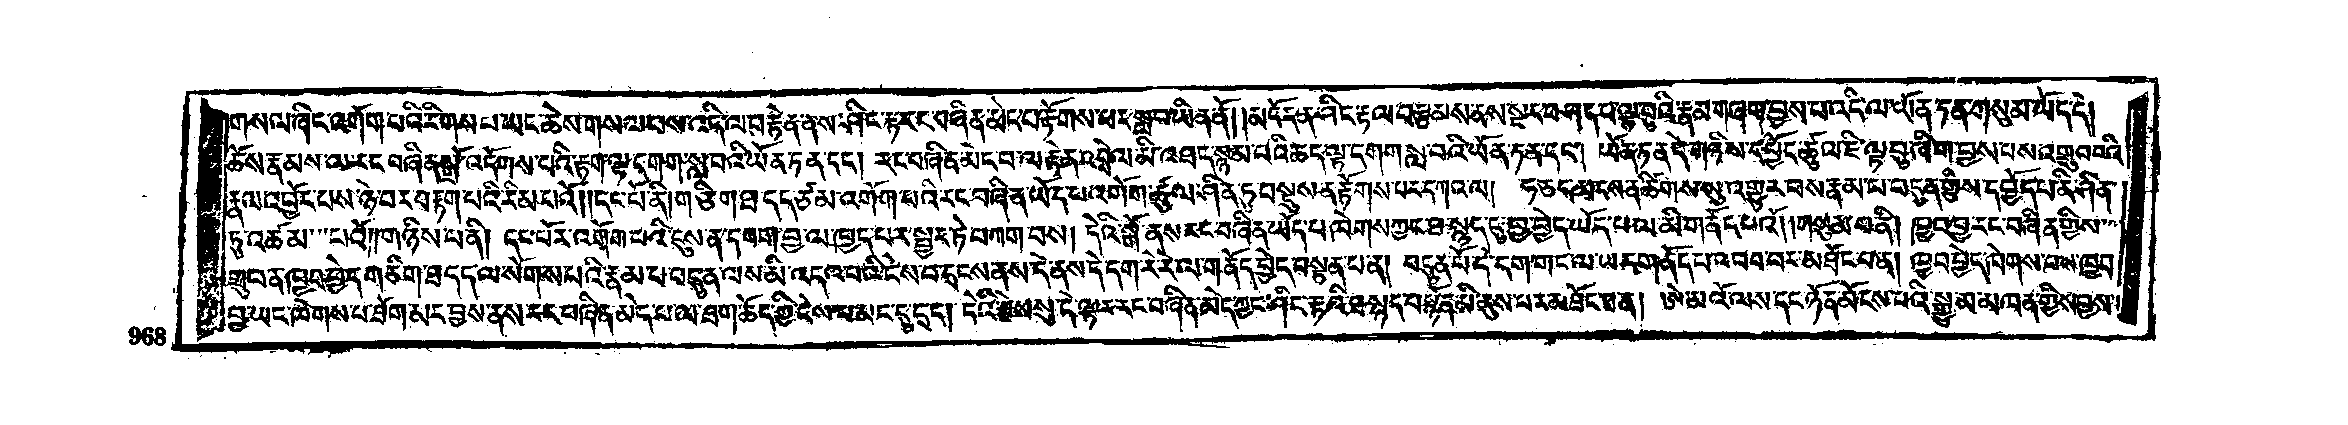གསལ་ཞིང་འགོག་པའི་རིགས་པ་ཡང་ཆེས་གསལ་བས་འདི་ལ་བརྟེན་ནས་ཤིང་རྟ་རང་བཞིན་མེད་པ་རྟོགས་པར་སླ་བ་ཡིན་ནོ། །མདོར་ན་ཤིང་རྟ་ལ་བརྩམས་ནས་སྔར་བཤད་པ་ལྟ་བུའི་རྣམ་གཞག་བྱས་པ་འདི་ལ་ཡོན་ཏན་གསུམ་ཡོད་དེ།
ཆོས་རྣམས་ལ་རང་བཞིན་སྒྲོ་འདོགས་པའི་རྟག་ལྟ་དགག་སླ་བའི་ཡོན་ཏན་དང་། རང་བཞིན་མེད་པ་ལ་རྟེན་འབྲེལ་མི་འཐད་སྙམ་པའི་ཆད་ལྟ་དགག་སླ་བའི་ཡོན་ཏན་དང་། ཡོན་ཏན་དེ་གཉིས་དཔྱོད་ཚུལ་ཇི་ལྟ་བུ་ཞིག་བྱས་པས་འགྲུབ་པའི་
རྣལ་འབྱོར་པས་ཉེ་བར་བརྟག་པའི་རིམ་པའོ། །དང་པོ་ནི། གཅིག་ཐ་དད་ཙམ་འགོག་པའི་རང་བཞིན་ཡོད་པ་འགོག་ཚུལ་ཤིན་ཏུ་བསྡུས་ན་རྟོགས་པར་དཀའ་ལ། ཧ་ཅང་མངས་ན་ཚེགས་སུ་འགྱུར་བས་རྣམ་པ་བདུན་གྱིས་དཔྱོད་པ་ནི་ཤིན་
ཏུ་འཚམ་པའོ། །གཉིས་པ་ནི། དང་པོར་འགོག་པའི་དུས་ན་དགག་བྱ་ལ་ཁྱད་པར་སྦྱར་ཏེ་བཀག་པས། དེའི་སྒོ་ནས་རང་བཞིན་ཡོད་པ་ཁེགས་ཀྱང་ཐ་སྙད་དུ་བྱ་བྱེད་ཡོད་པ་ལ་མི་གནོད་པའོ། །གསུམ་པ་ནི། ཁྱབ་བྱ་རང་བཞིན་གྱིས་
གྲུབ་ན་ཁྱབ་བྱེད་གཅིག་ཐ་དད་ལ་སོགས་པའི་རྣམ་པ་བདུན་ལས་མི་འདའ་བའི་ངེས་པ་དྲངས་ནས་དེ་ནས་དེ་དག་རེ་རེ་ལ་གནོད་བྱེད་བསྟན་པ་ན། བདུན་པོ་དེ་དག་གང་ལ་ཡང་གནོད་པ་འབབ་པར་མཐོང་བ་ན། ཁྱབ་བྱེད་ཁེགས་པས་ཁྱབ་
བྱ་ཡང་ཁེགས་པ་ཐོག་མར་བྱས་ནས་རང་བཞིན་མེད་པ་ལ་ཐག་ཆོད་ཀྱི་ངེས་པ་མང་དུ་དྲང་། དེའི་རྗེས་སུ་དེ་ལྟར་རང་བཞིན་མེད་ཀྱང་ཤིང་རྟའི་ཐ་སྙད་བསྙོན་མི་ནུས་པར་མཐོང་བ་ན། ཨེ་མའོ་ལས་དང་ཉོན་མོངས་པའི་སྒྱུ་མ་མཁན་གྱིས་བྱས་